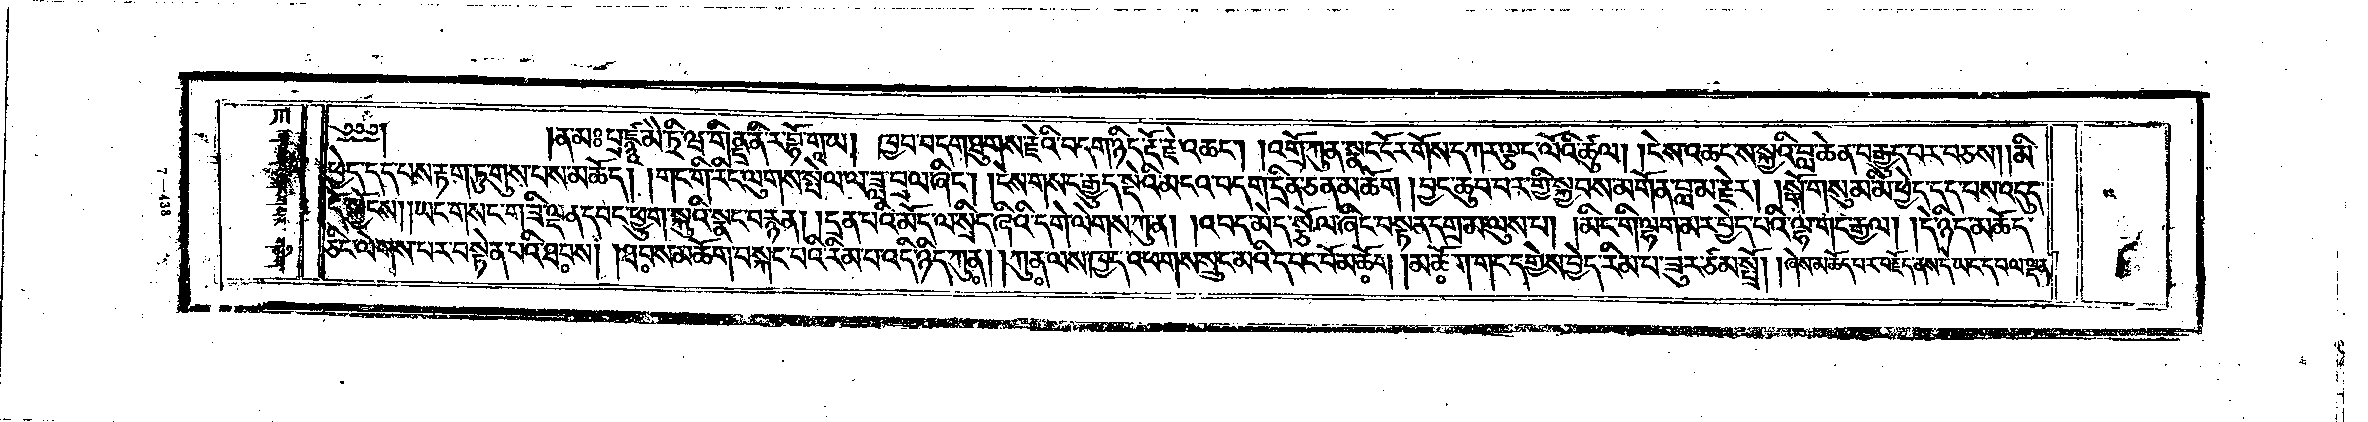༄༅༅། །ན་མཿ པྲཛྙཱ་མཻ་ཏྲི་ཝ་གིནྡྲ་ནིར་བྷོ་གཱ་ཡ། ཁྱབ་བདག་ཐུགས་རྗེའི་བདག་ཉིད་རྡོ་རྗེ་འཆང་། །འགྲོ་ཀུན་སྣང་ངོར་གོས་དཀར་ལྕང་ལོའི་ཚུལ། །ངེས་འཆང་ས་སྐྱའི་བླ་ཆེན་བརྒྱུད་པར་བཅས། །མི་
ཕྱེད་དད་པས་རྟག་ཏུ་གུས་པས་མཆོད། །གང་གི་རིང་ལུགས་སྤེལ་ལ་ཟླ་བྲེལ་ཞིང་། །ངེས་གསང་རྒྱུད་སྡེའི་མངའ་བདག་དྲིན་ཅན་མཆོག །བྱང་ཆུབ་བར་གྱི་སྐྱབས་མགོན་བླ་མ་རྗེར། །སྒོ་གསུམ་མི་ཕྱེད་དད་པས་འདུད་
དོ་སྐྱོངས། །ཡང་གསང་གཟི་ལྡན་དབང་ཕྱུག་སྐུའི་སྣང་བརྙན། །དྲན་པའི་མོད་ལ་སྲིད་ཞིའི་དགེ་ལེགས་ཀུན། །འབད་མེད་སྩོལ་ཞིང་བསྟན་དགྲ་མ་ལུས་པ། །མིང་གི་ལྷག་མར་བྱེད་པའི་ལྷ་གང་རྒྱལ། །དེ་ཉིད་མཆོད་
ཅིང་ལེགས་པར་བསྟེན་པའི་ཐབས྾། །ཐབས྾་མཆོག་བསྐང་བའི་རིམ་པ་འདི་ཉིད་ཀུན྾། །ཀུན྾་ལས་ཁྱད་འཕགས་སྲུང་མའི་དབང་པོ་མཆོག྾། །མཆོག྾་གང་དགྱེས་བྱེད་རིམ་པ་ཟུར་ཙམ་སྤྲོ། །ཞེས་མཆོད་བར་བརྗོད་ནས་དེ་ཡང་དཔལ་ལྡན་